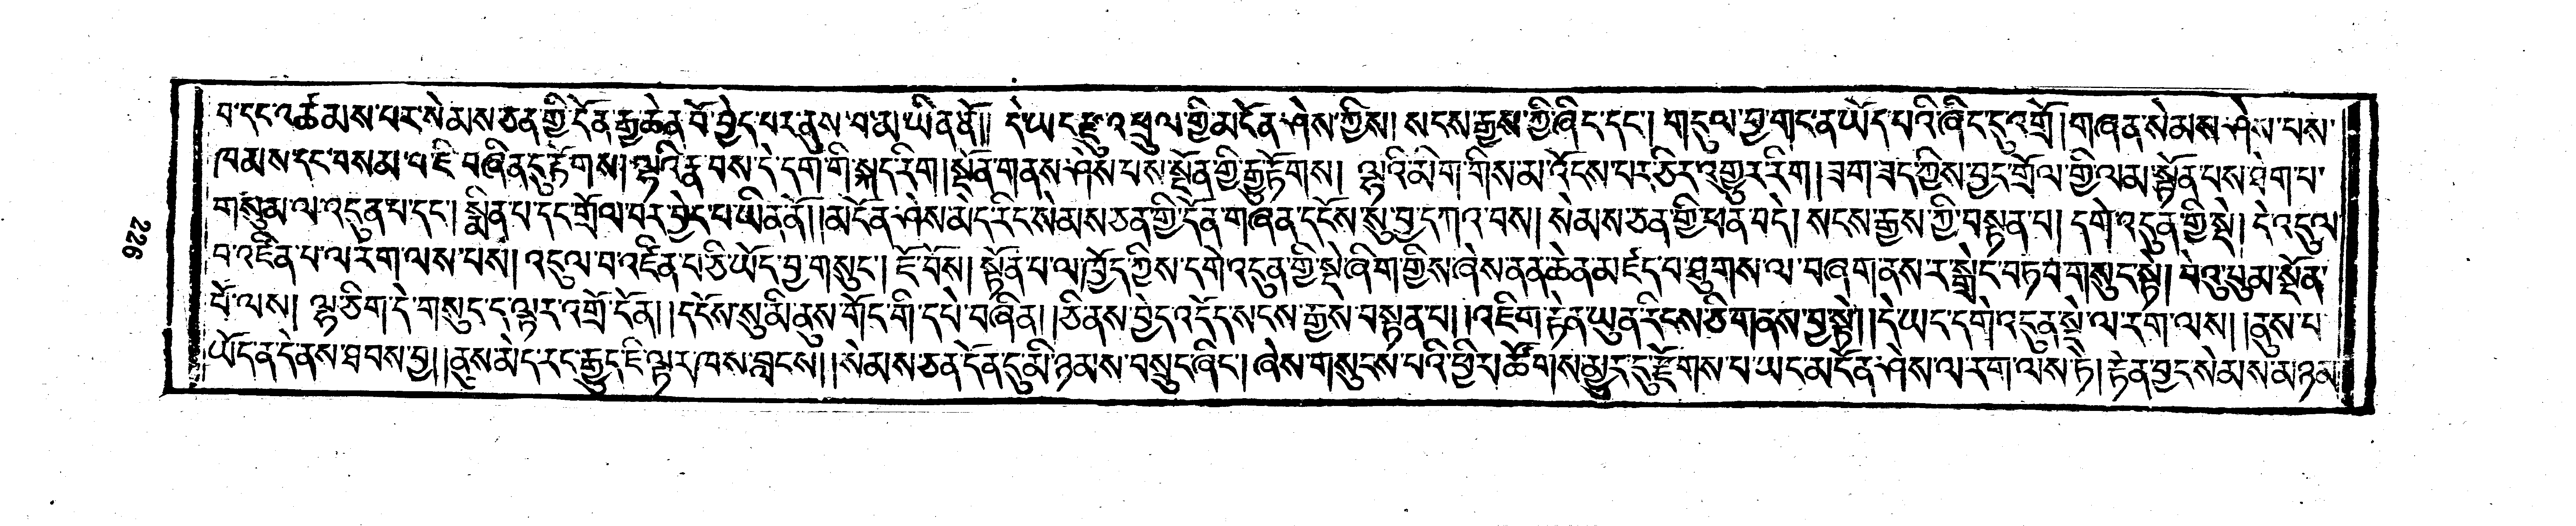པ་དང་འཚམས་པར་སེམས་ཅན་གྱི་དོན་རྒྱ་ཆེན་པོ་བྱེད་པར་ནུས་པ་མ་ཡིན་ནོ། །དེ་ཡང་རྫུ་འཕྲུལ་གྱི་མངོན་ཤེས་ཀྱིས། སངས་རྒྱས་ཀྱི་ཞིང་དང་། གདུལ་བྱ་གང་ན་ཡོད་པའི་ཞིང་དུ་འགྲོ། གཞན་སེམས་ཤེས་པས་
ཁམས་དང་བསམ་པ་ཇི་བཞིན་དུ་རྟོགས། ལྷའི་རྣ་བས་དེ་དག་གི་སྐད་རིག །སྔོན་གནས་ཤེས་པས་སྔོན་གྱི་རྒྱུ་རྟོགས། ལྷའི་མིག་གིས་མ་འོངས་པར་ཅིར་འགྱུར་རིག །ཟག་ཟད་ཀྱིས་བྱང་གྲོལ་གྱི་ལམ་སྟོན་པས་ཐེག་པ་
གསུམ་ལ་འདུན་པ་དང་། སྨིན་པ་དང་གྲོལ་བར་བྱེད་པ་ཡིན་ནོ། །མངོན་ཤེས་མེད་རིང་སེམས་ཅན་གྱི་དོན་གཞན་དངོས་སུ་བྱ་དཀའ་བས། སེམས་ཅན་གྱི་ཕན་བདེ། སངས་རྒྱས་ཀྱི་བསྟན་པ། དགེ་འདུན་གྱི་སྡེ། དེ་འདུལ་
བ་འཛིན་པ་ལ་རག་ལས་པས། འདུལ་བ་འཛིན་པ་ཅི་ཡོད་བྱ་གསུང་། ཇོ་བོས། སྟོན་པ་ལ་ཁྱོད་ཀྱིས་དགེ་འདུན་གྱི་སྡེ་ཞིག་གྱིས་ཞེས་ནན་ཆེན་མཛད་པ་ཐུགས་ལ་བཞག་ནས་ར་སྒྲེང་བཏབ་གསུང་སྟེ། བེའུ་བུམ་སྔོན་
པོ་ལས། ལྷ་ཅིག་དེ་གསུང་ད་ལྟར་འགྲོ་དོན། །དངོས་སུ་མི་ནུས་གོང་གི་དཔེ་བཞིན། །ཅི་ནས་བྱེད་འདོད་སངས་རྒྱས་བསྟན་པ། །འཇིག་རྟེན་ཡུན་རིངས་ཅི་གནས་བྱ་སྟེ། །དེ་ཡང་དགེ་འདུན་སྡེ་ལ་རག་ལས། །ནུས་པ་
ཡོད་ན་དེ་ནས་ཐབས་བྱ། །ནུས་མེད་རབ་རྒྱུད་ཇི་ལྟར་ཁས་བླངས། །སེམས་ཅན་དོན་དུ་མི་ཉམས་བསྲུང་ཞིང་། ཞེས་གསུངས་པའི་ཕྱིར། ཚོགས་མྱུར་དུ་རྫོགས་པ་ཡང་མངོན་ཤེས་ལ་རག་ལས་ཏེ། རྟེན་བྱང་སེམས་མཉམ་